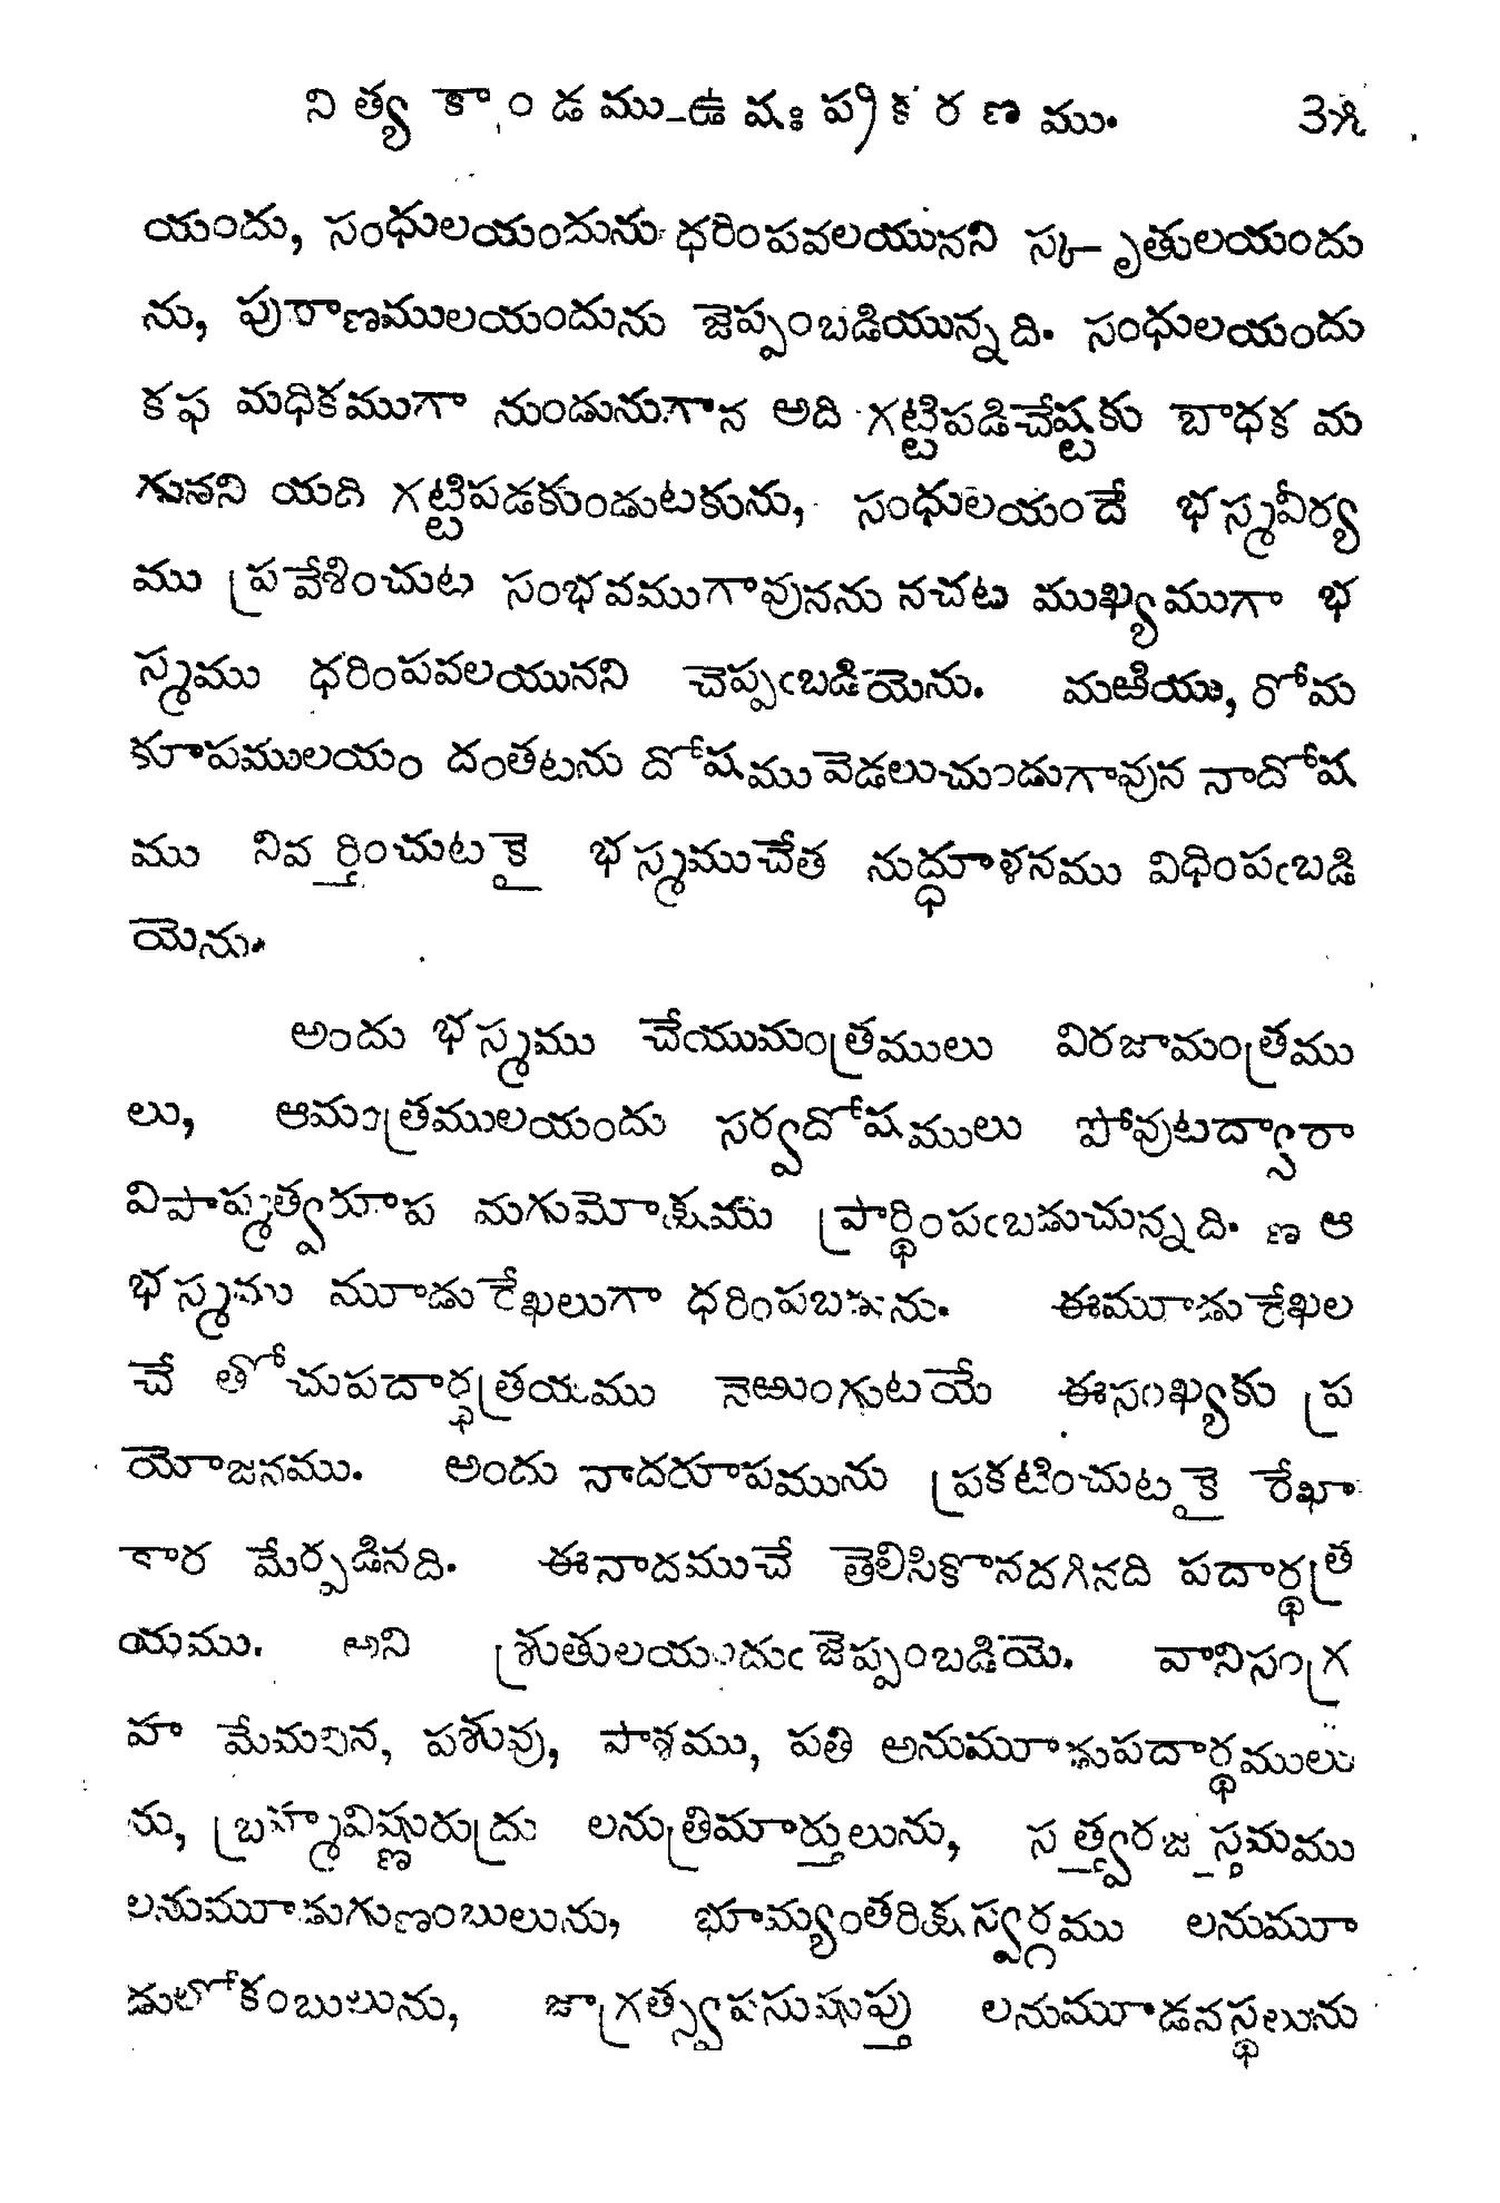యందు, సంధులయందును ధరింపవలయునని స్కృతులయందును, పురాణములయందును జెప్పంబడియున్నది. సంధులయందు కఫ మధికముగా నుండునుగాన అది గట్టిపడిచేష్టకు బాధక మగునని యది గట్టిపడకుండుటకును, సంధులయందే భస్మవీర్యము ప్రవేశించుట సంభవముగావునను నచట ముఖ్యముగా భస్మము ధరింపవలయునని చెప్పఁబడియెను. మఱియు, రోమకూపములయం దంతటను దోషము వెడలుచుండుగావున నాదోషము నివర్తించుటకై భస్మముచేత నుద్ధూళనము విధింపఁబడియెను.

అందు భస్మము చేయుమంత్రములు విరజామంత్రములు, ఆమంత్రములయందు సర్వదోషములు పోవుటద్వారా విపాప్మత్వరూప మగుమోక్షము ప్రార్థింపఁబడుచున్నది. ణ ఆభస్మము మూడురేఖలుగా ధరింపబడును. ఈమూడురేఖలచే తోచుపదార్ధత్రయము నెఱుంగుటయే ఈసంఖ్యకు ప్రయోజనము. అందు నాదరూపమును ప్రకటించుటకై రేఖాకార మేర్పడినది. ఈనాదముచే తెలిసికొనదగినది పదార్థత్రయము. అని శ్రుతులయుదుఁజెప్పంబడియె. వానిసంగ్రహ మేమనిన, పశువు, పాశము, పతి అనుమూడుపదార్థములును, బ్రహ్మవిష్ణురుద్రు లనుత్రిమార్తులును, సత్వరజస్తమములను మూడుగుణంబులును, భూమ్యంతరిక్షస్వర్గము లనుమూడులోకంబులును, జాగ్రత్స్వపసుషుప్తు లనుమూడవస్థలును